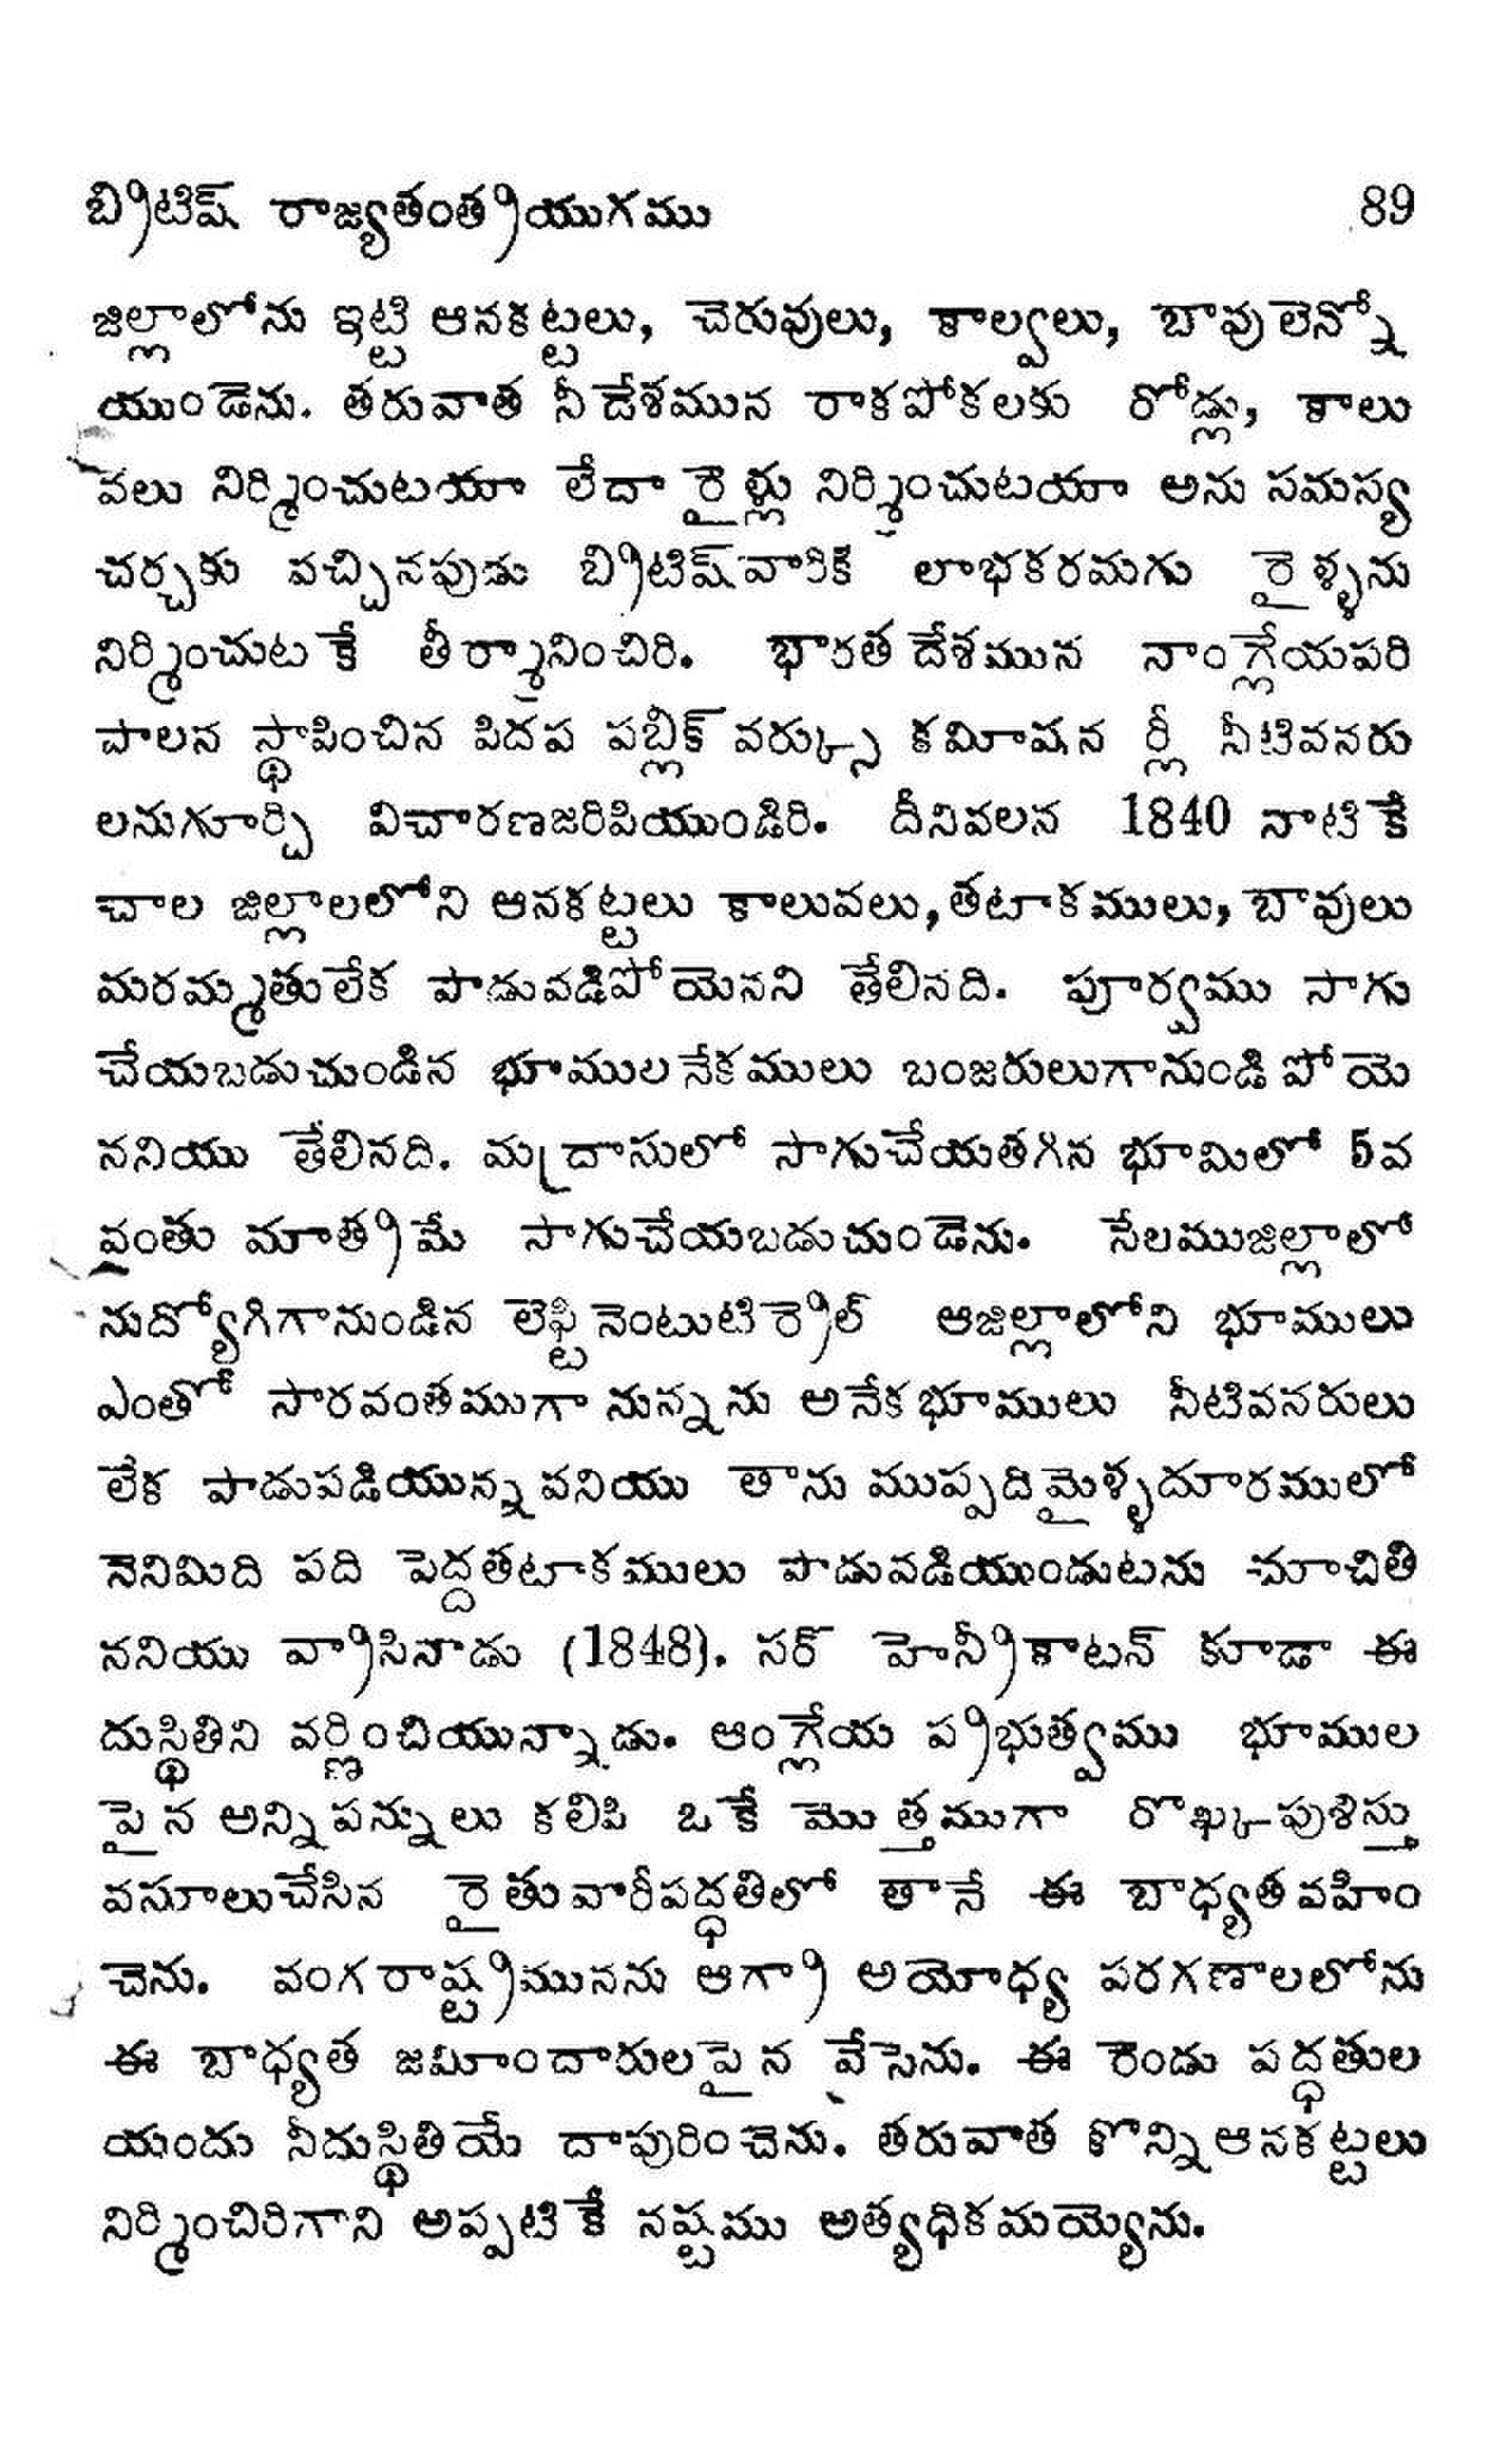జిల్లాలోను ఇట్టి ఆనకట్టలు, చెరువులు, కాల్వలు, బావులెన్నో యుండెను. తరువాత నీదేశమున రాకపోకలకు రోడ్లు, కాలువలు నిర్మించుటయా లేదా రైళ్లు నిర్మించుటయా అను సమస్య చర్చకు వచ్చినపుడు బ్రిటిష్‌వారికి లాభకరమగు రైళ్ళను నిర్మించుట కే తీర్మానించిరి. భారతదేశమున నాంగ్లేయపరిపాలన స్థాపించిన పిదప పబ్లిక్ వర్క్సు కమిషనర్లీ నీటివనరులనుగూర్చి విచారణజరిపియుండిరి. దీనివలన 1840 నాటికే చాల జిల్లాలలోని ఆనకట్టలు కాలువలు, తటాకములు, బావులు మరమ్మతులేక పాడువడిపోయెనని తేలినది. పూర్వము సాగుచేయబడుచుండిన భూములనేకములు బంజరులుగానుండి పోయెననియు తేలినది. మద్రాసులో సాగుచేయతగిన భూమిలో 5వ వంతు మాత్రమే సాగుచేయబడుచుండెను. సేలముజిల్లాలో నుద్యోగిగానుండిన లెఫ్టినెంటుటిర్రెల్ ఆజిల్లాలోని భూములు ఎంతో సారవంతముగా నున్నను అనేకభూములు నీటివనరులు లేక పాడుపడియున్న వనియు తాను ముప్పదిమైళ్ళ దూరములో నెనిమిది పది పెద్దతటాకములు పాడువడియుండుటను చూచితిననియు వ్రాసినాడు (1848), సర్ హెన్రీకాటన్ కూడా ఈ దుస్థితిని వర్ణించియున్నాడు. ఆంగ్లేయ ప్రభుత్వము భూములపైన అన్ని పన్నులు కలిపి ఒకే మొత్తముగా రొఖ్కపుశిస్తు వసూలుచేసిన రైతువారీపద్ధతిలో తానే ఈ బాధ్యత వహించెను. వంగరాష్ట్రమునను ఆగ్రా అయోధ్య పరగణాలలోను ఈ బాధ్యత జమీందారుల పైన వేసెను. ఈ రెండు పద్ధతుల యందు నీదుస్థితియే దాపురించెను. తరువాత కొన్ని ఆనకట్టలు నిర్మించిరిగాని అప్పటికే నష్టము అత్యధికమయ్యెను.